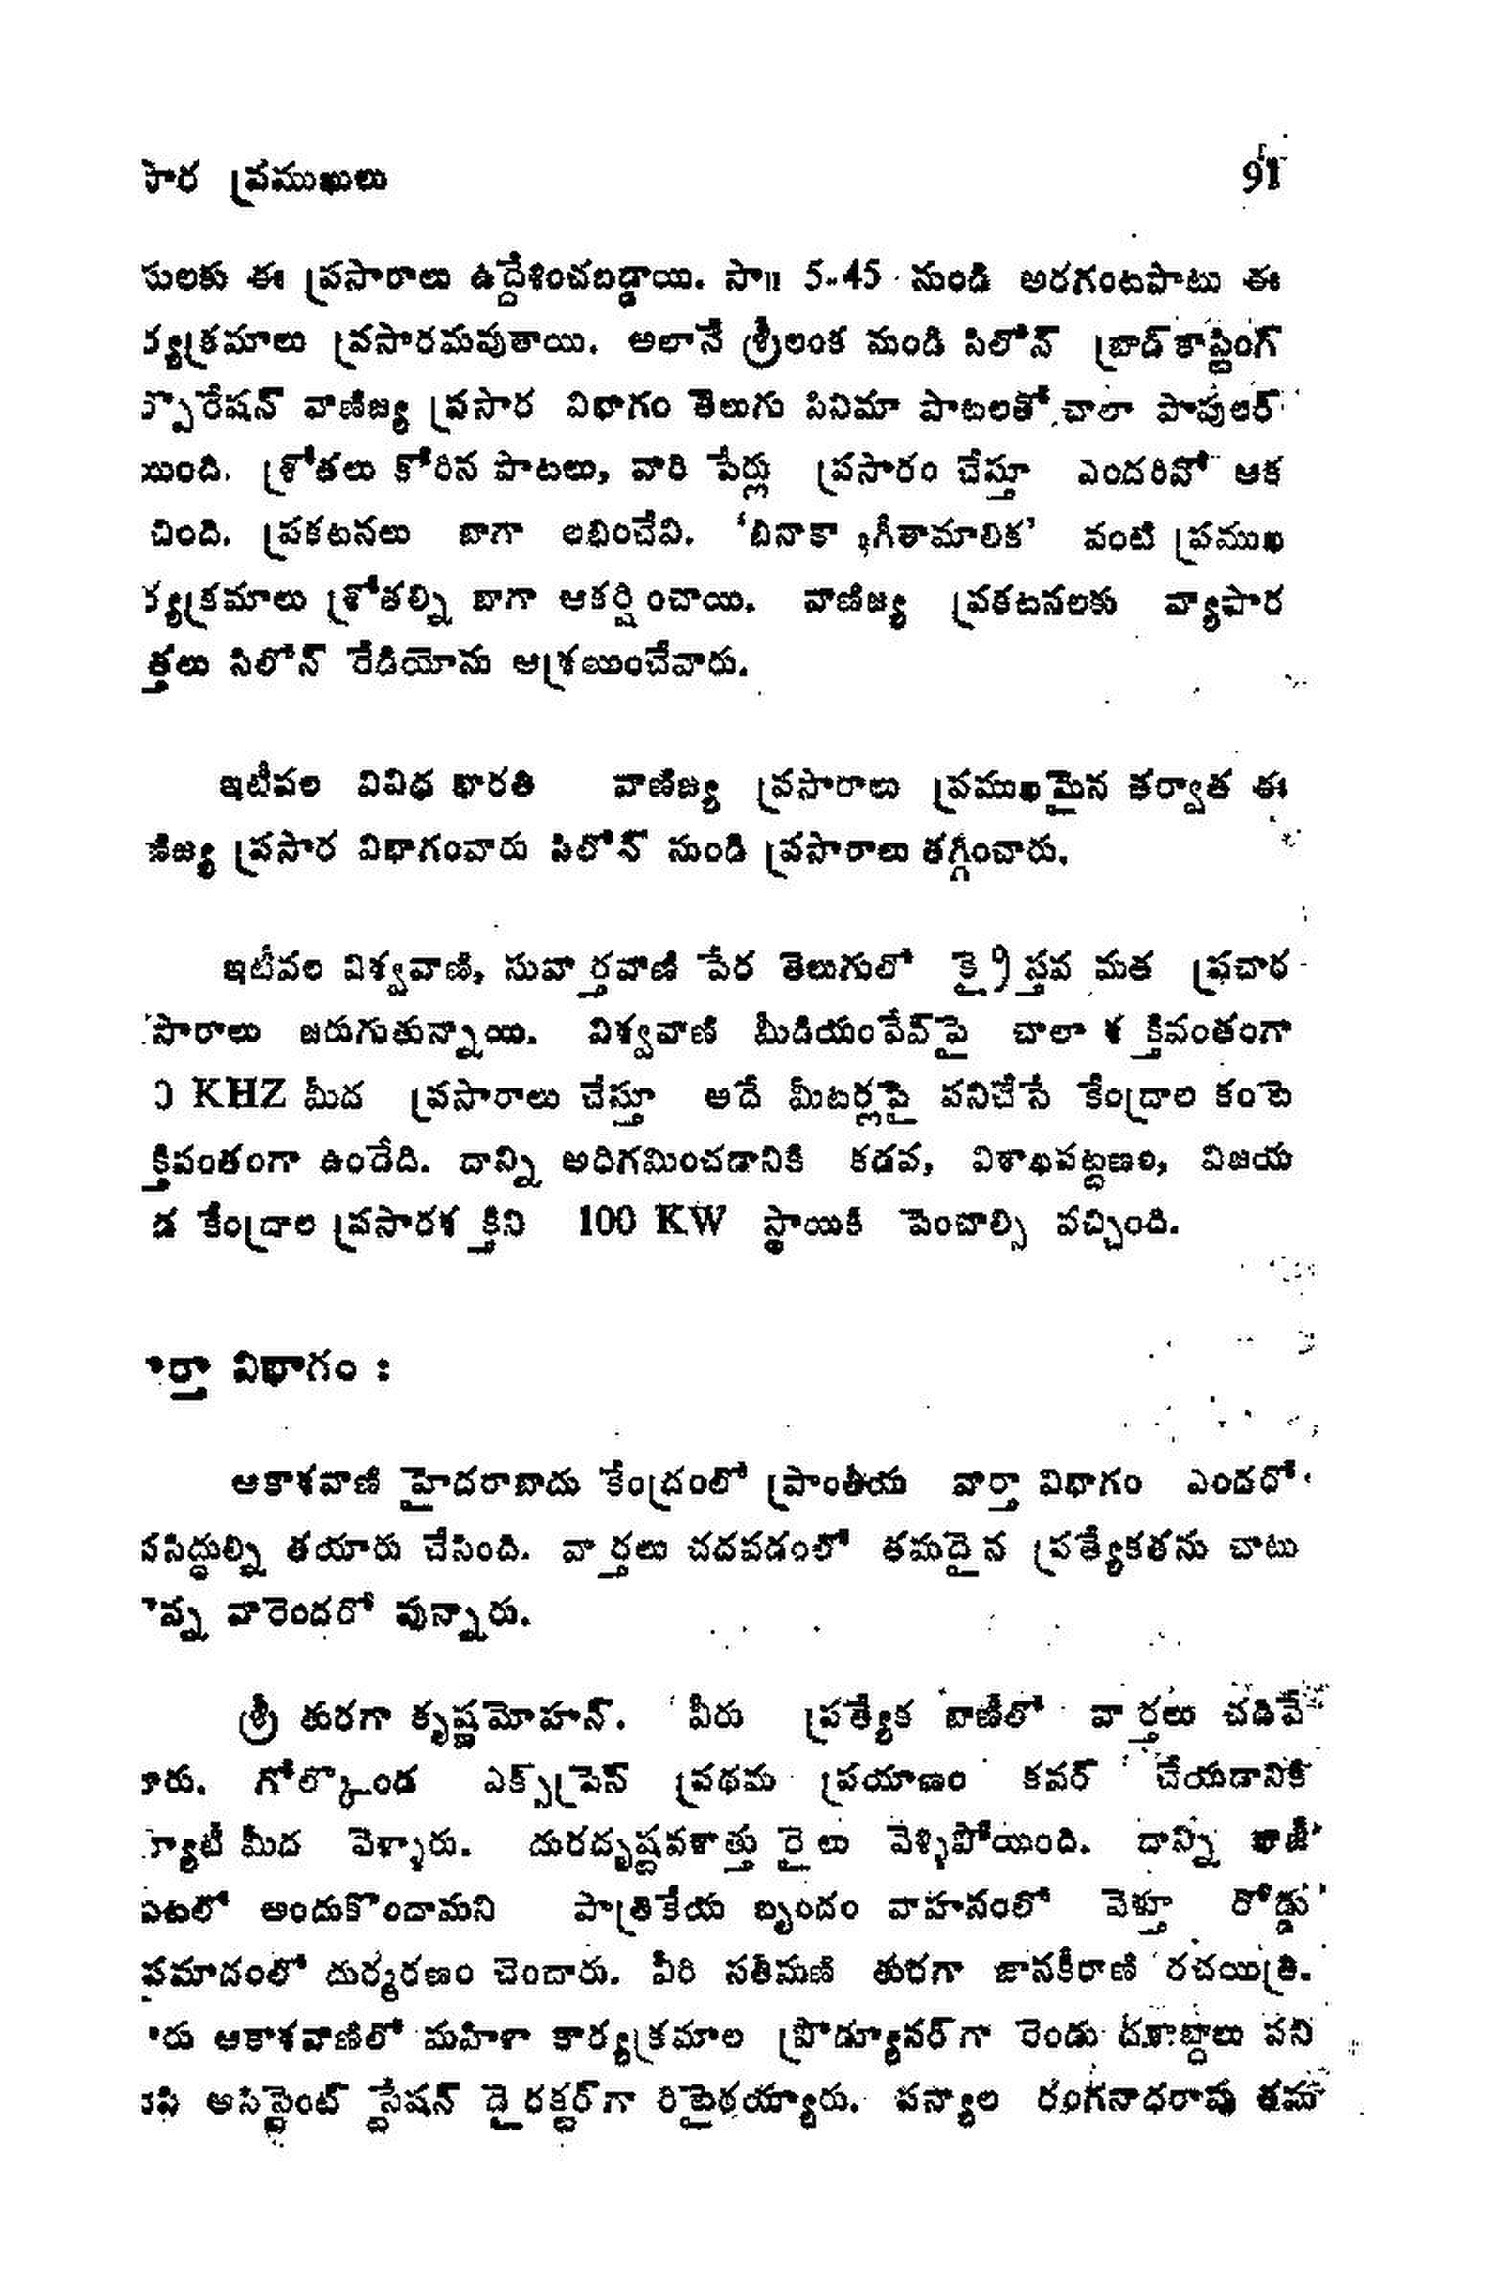---లకు ఈ ప్రసారాలు ఉద్దేశించబడ్డాయి. సా. 5-45 నుండి అరగంటపాటు ఈ కార్యక్రమాలు ప్రసారమవుతాయి. అలానే శ్రీలంక నుండి సిలోన్ బ్రాడ్ కాస్టింగ్ కార్పొరేషన్ వానిజ్య ప్రసార విభాగం తెలుగు సినిమా పాటలతో చాలా పాపులర్ అయింది. శ్రోతలు కోరిన పాటలు, వారి పేర్లు ప్రసారం చేస్తూ ఎందరినో ఆకర్షిచింది. ప్రకటనలు బాగా లభించేవి. 'బినాకా, గీతామాలిక' వంటి ప్రముఖ కార్యక్రమాలు శ్రోతల్ని బాగా ఆకర్షించాయి. వాణిజ్య ప్రకటనలకు వ్యాపార వేత్తలు సిలోన్ రేడియోను ఆశ్రయించేవారు.

ఇటీవల వివిధ భారతి వాణిజ్య ప్రసారాలు ప్రముఖమైన తర్వాత ఈ వాణిజ్య ప్రసార విభాగంవారు సిలోన్ నుండి ప్రసారాలు తగ్గించారు.

ఇటీవల విశ్వవాణి సువార్తవాణి పేర తెలుగులో క్రైస్తవ మత ప్రచార ప్రసారాలు జరుగుతున్నాయి. విశ్వవాణి మీడియంవేవ్‌పై చాలా శక్తివంతంగా --KHZ మీద ప్రసారాలు చేస్తూ అదే మీటర్లపై పనిచేసే కేంద్రాల కంటె శక్తివంతంగా ఉండేది. దాన్ని అదిగమించడానికి కడప, విశాఖపట్టణం, విజయవాడ కేంద్రాల ప్రసారశక్తిని 100 K W స్థాయికి పెంచాల్సి వచ్చింది.

ఆకాశవాణి హైదరాబాదు కేంద్రంలో ప్రాంతీయ వార్తా విభాగం ఎందరో ప్రసిద్ధుల్ని తయారుచేసింది. వార్తలు చదవడంలో తమదైన ప్రత్యేకతను చాటుతున్న వారెందరో వున్నారు.

శ్రీ తురగా కృష్ణమోహన్ : వీరు ప్రత్యేక బాణిలో వార్తలు చదివేవారు. గోల్కొండ ఎక్స్‌ప్రెస్ ప్రథమ ప్రయాణం కవర్ చేయడానికి డ్యూటీ మీద వెళ్ళారు. దురదృష్టవశాత్తు రైలు వెళ్ళిపోయింది. దాన్ని ఖాజీపేటలో అందుకొందామని పాత్రికేయ బృందం వాహనంలో వెళ్తూ రోడ్డు ప్రమాదంలో దుర్మరణం చెందారు. వీరి సతీమణి తురగా జానకీరాణి రచయిత్రి. వారు ఆకాశవాణిలో మహిళా కార్యక్రమాల ప్రొడ్యూసర్‌గా రెండు దశాబ్దాలు పనిచేసి అసిస్టెంట్ స్టేషన్ డైరక్టర్‌గా రిటైరయ్యారు. పన్యాల రంగనాధరావు తమ